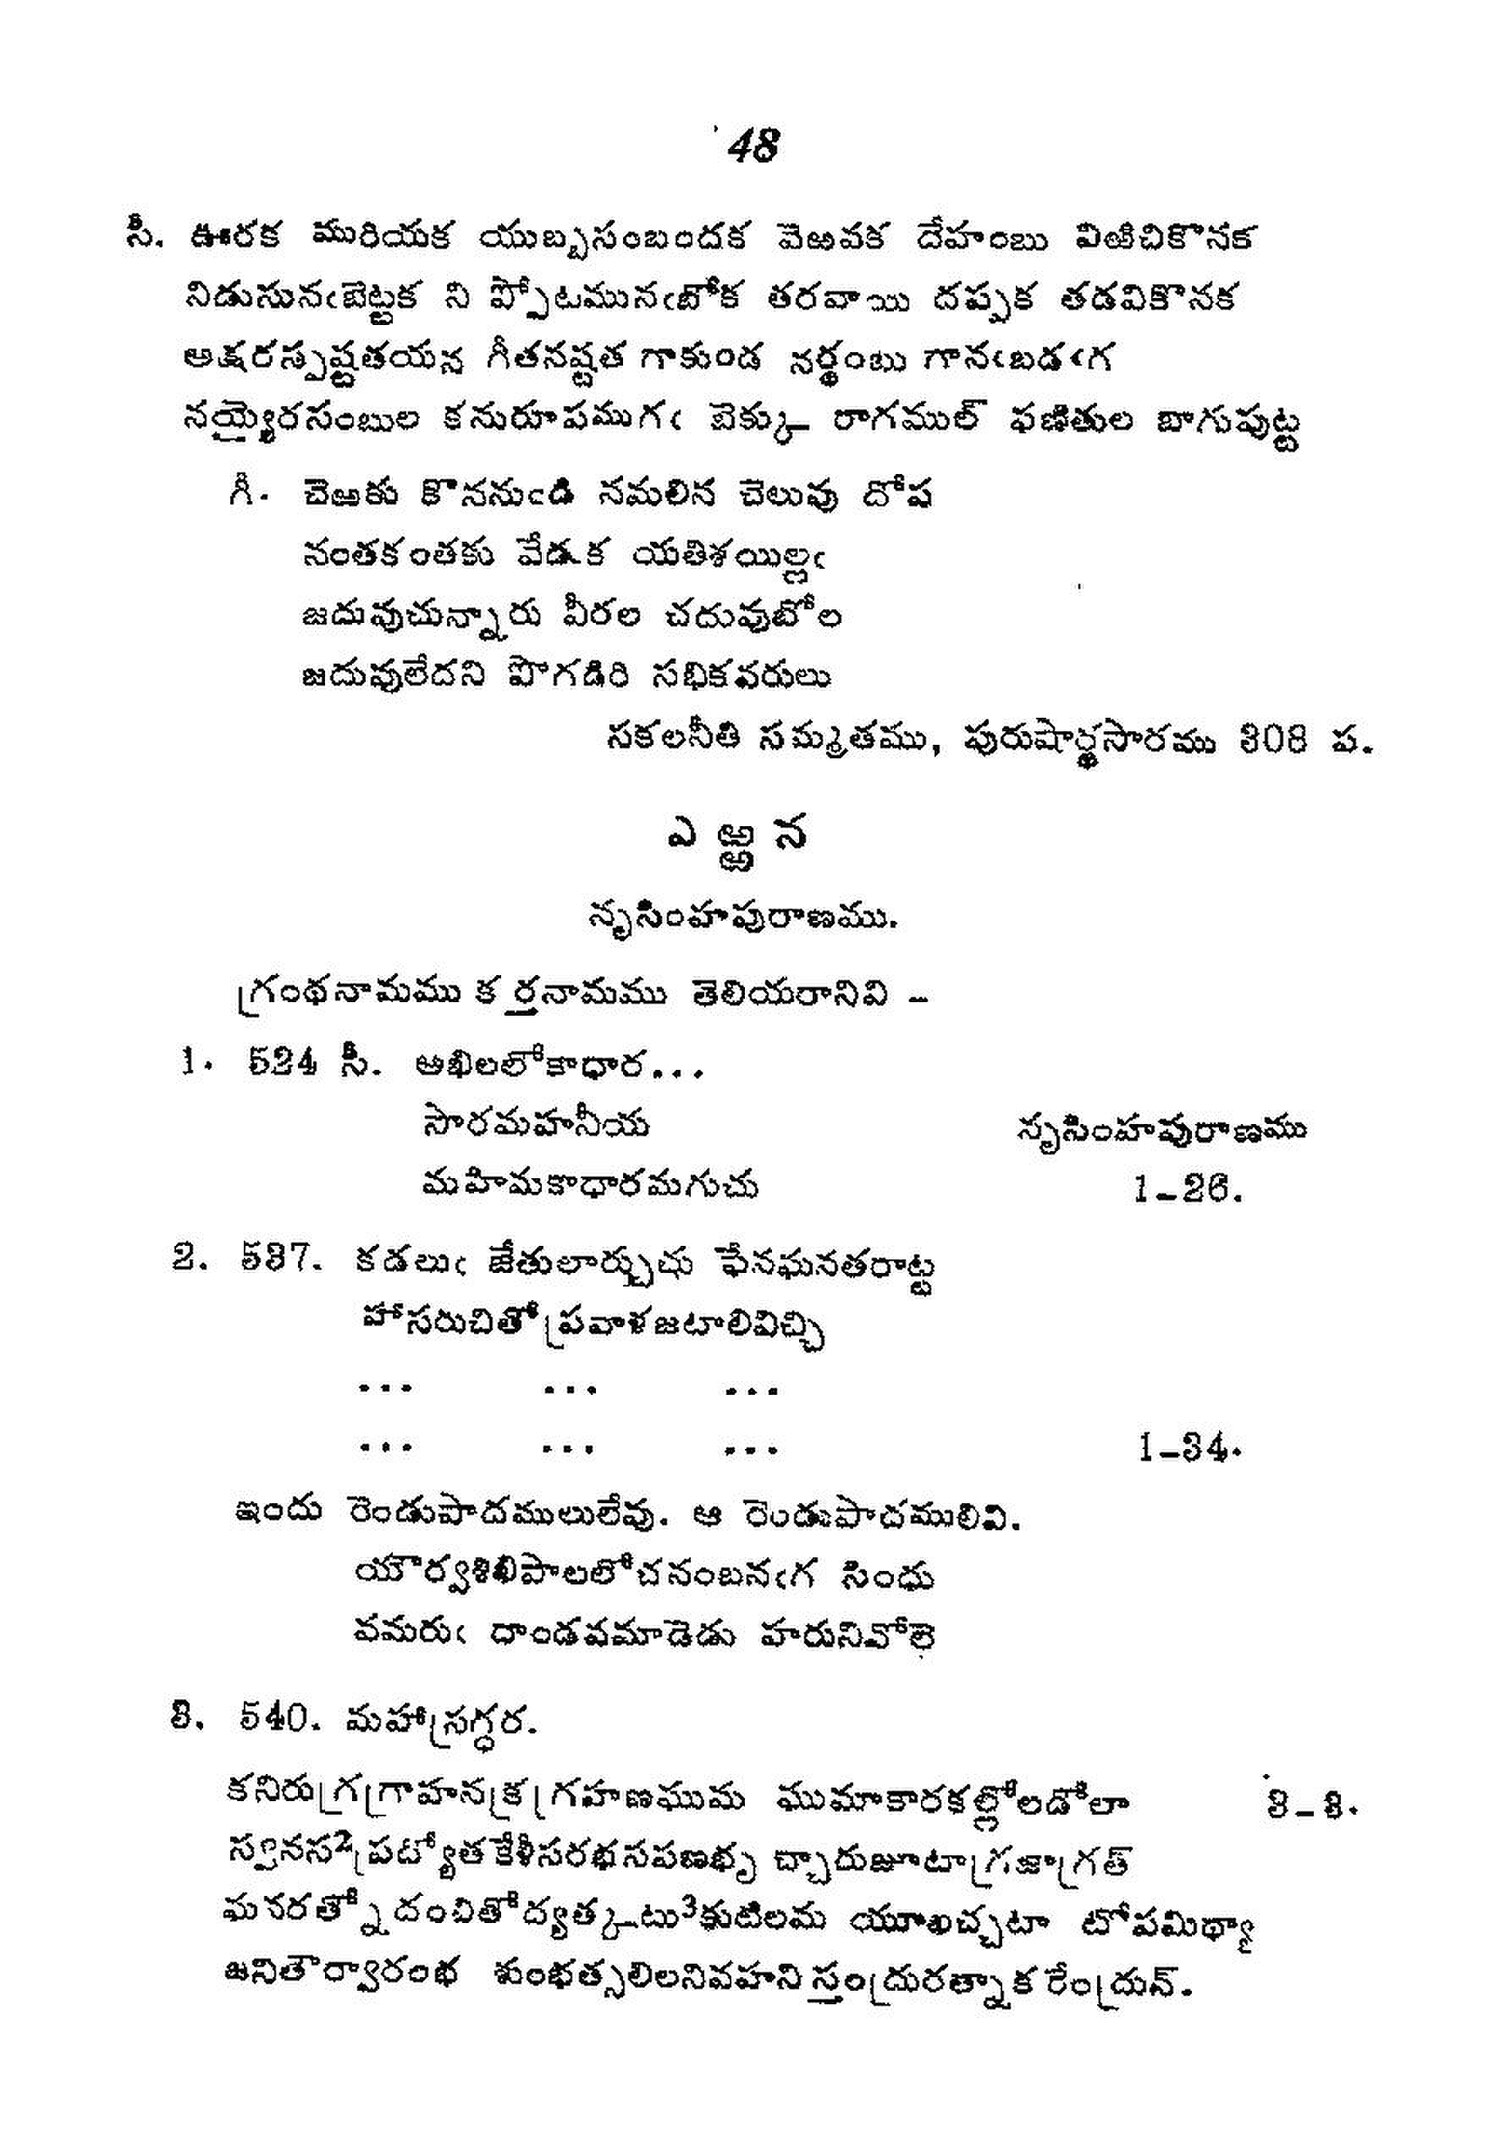సి. ఊరక మురియక యుబ్బసంబందక వెఱవక దేహంబు వీఱిచికొనక
నిడుసునఁబెట్టక ని ప్పోటమునఁబోక తరవాయి దప్పక తడవికొనక
అక్షర స్పష్టతయన గీతనష్టత గొకుండ నర్థంటు గానఁబడఁగ
నయ్యైరసంబుల కసురూపముగఁ బెక్కు రాగముల్ ఫణితుల బాగుపుట్ట

గీ. చెఱకు కొననుండి నమలిన చెలువు దోప
నంతకంతకు వేడుక యతిశయిల్లఁ
జదువుచున్నారు వీరల చదువుటోల
జదువులేదని పోగడిరి సభికవరులు

................................సకలనీతి సమ్మతము, పురుషార్థసారము 308 ప.

గ్రంథనామము కర్తనామము తెలియరానివి --

1. 524 సీ. అఖిలలోకాధార...
సొరమహనీయ ...................సృసింహపురాణము
మహిమకాధారమగుచు............1-26.
2. 587. కడలుఁ జేతులార్చుచు ఫేనఘనతరాట్ట
హాసరుచితో ప్రవాళజటాలివిచ్చి
......... ........ ...........
........... .......... ........ 1-26. 

ఇందు రెండుపాదములులేవు. ఆ రెండు పాదములివి.
యోర్వశిఖిపాలలోచనంబనఁగ సింధు
వమరుఁ దాండవమాడెడు హరునివోలె

కనీరుగ్రగ్రాహనక్రగ్రహణఘుమ ఘుమాకారకల్లోలడోలా ..............3-8.
స్వనస, ప్రద్యోత కేళీసరళ సపణభృచ్చారుజూటాగ్రజాగ్రత్
మచరత్నోదంచితోద్యత్కటు కుటిలమ యూఖచ్చటా టోపమిథ్యా
జనితౌర్వారంభ శుంభత్సలిలనివ్వని సంద్రురత్నాక రేంద్రున్.